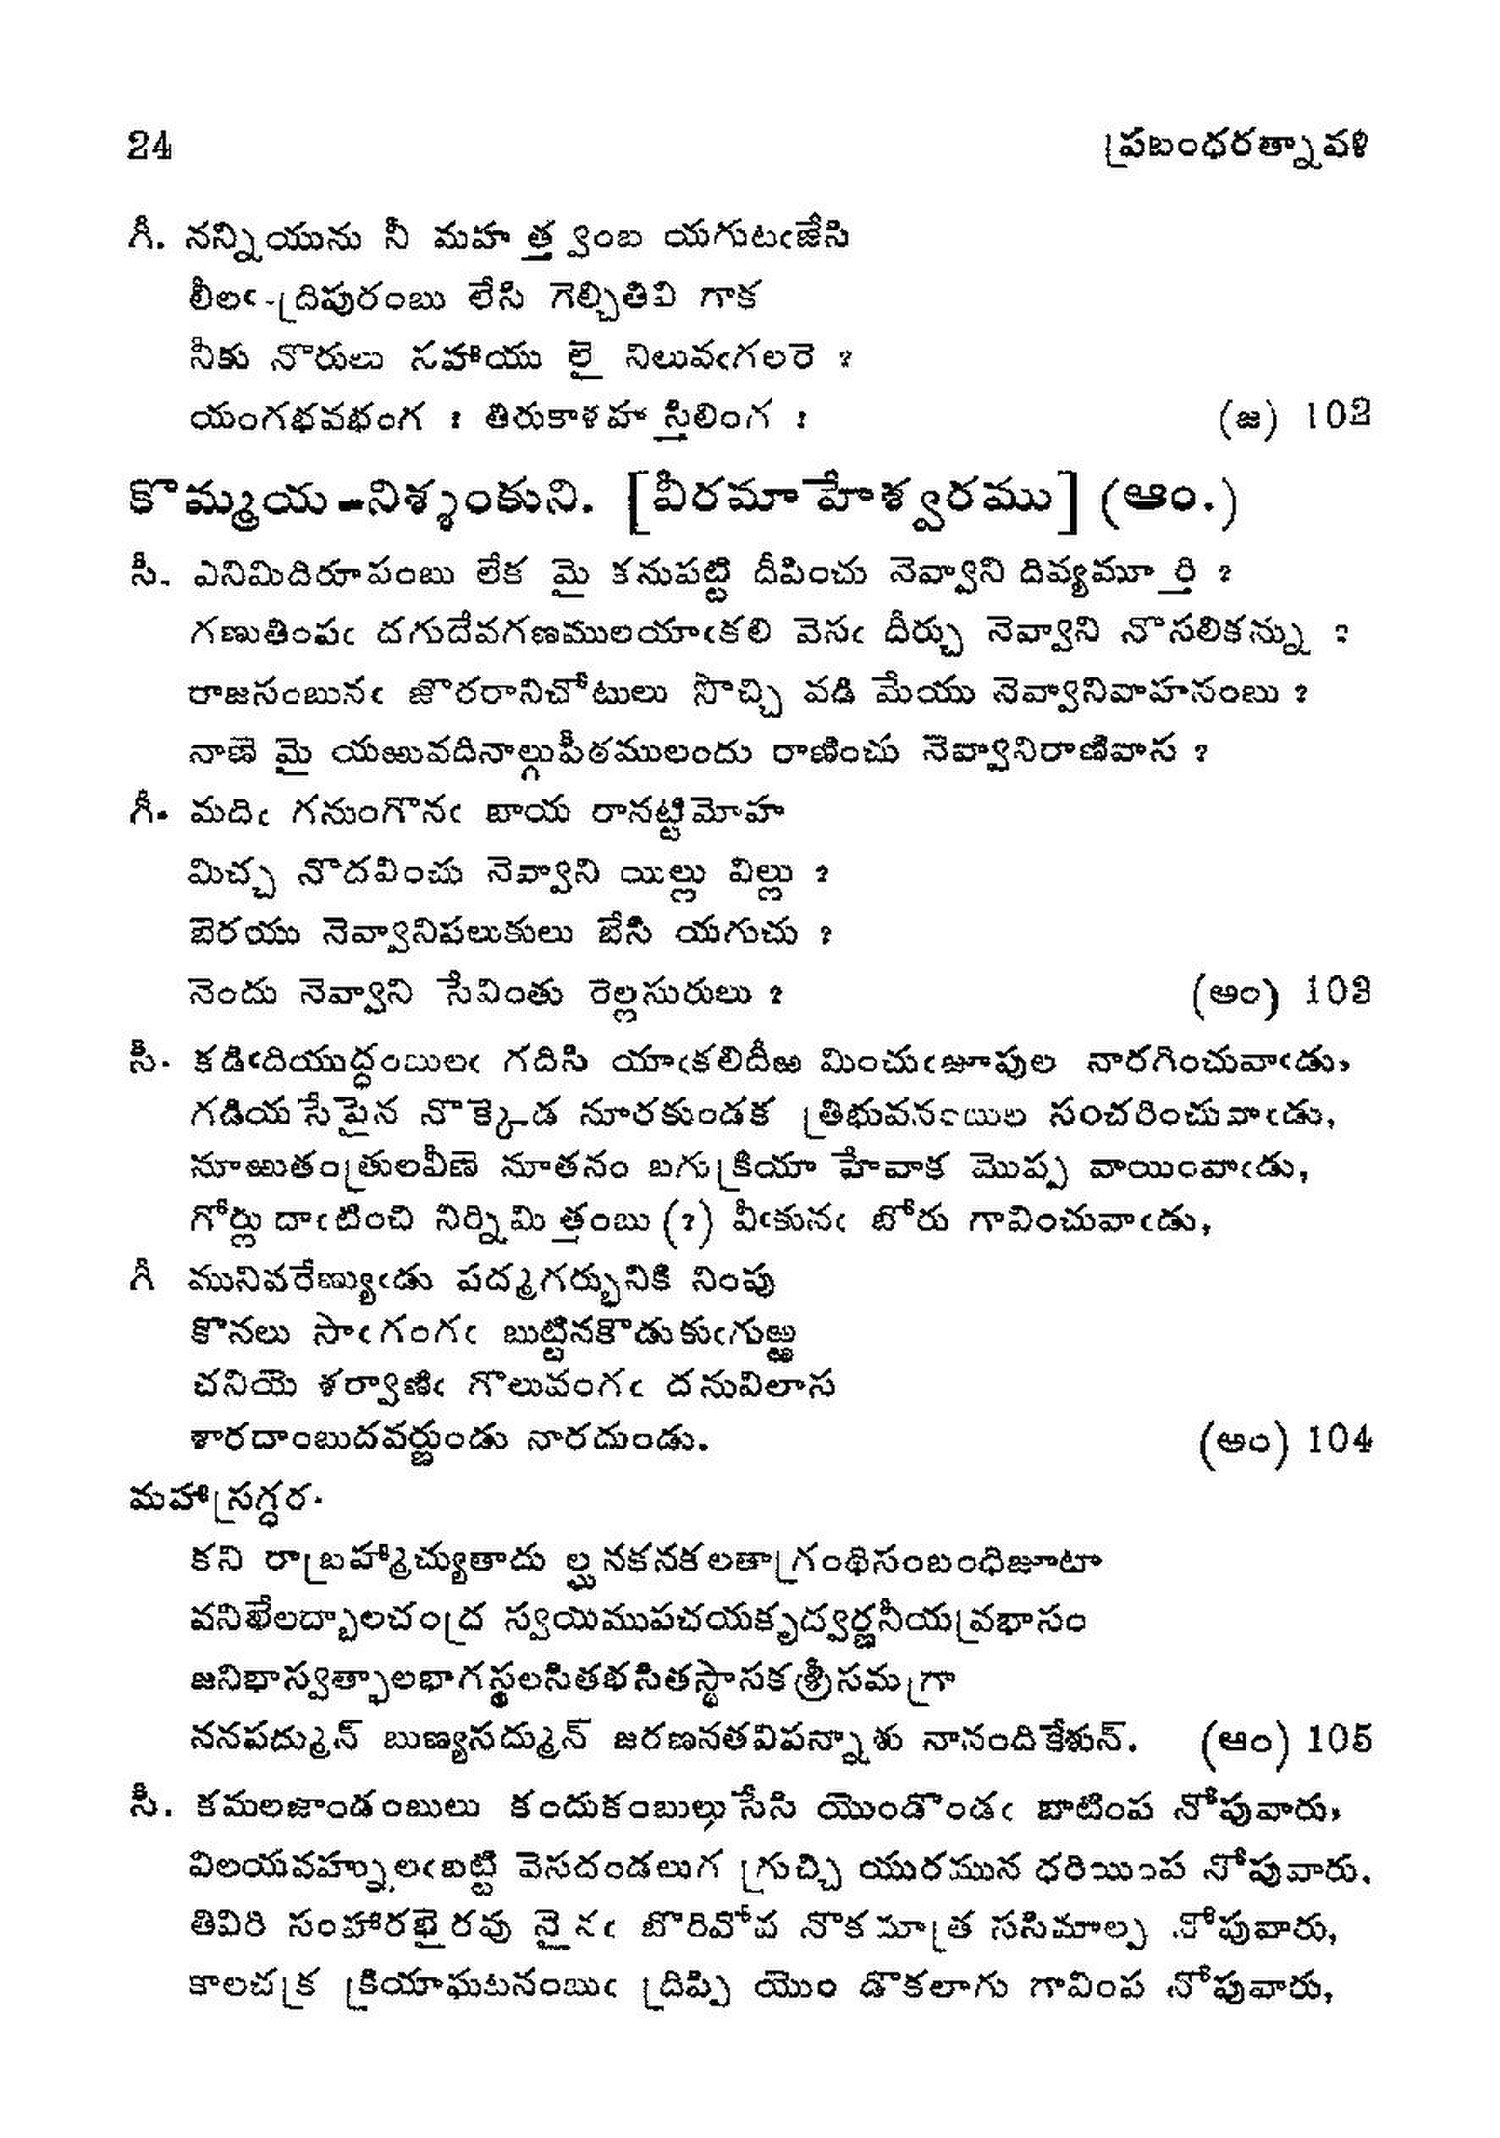గీ. నన్నియును నీమహత్త్వంబ యగుటఁజేసి
లీలఁ ద్రిపురంబు లేసి గెల్చితివిగాక
నీకు నొరులు సహాయులై నిలువఁగలరె?
యంగభవభంగ! తిరుకాళహస్తిలింగ! (జ) 102

సీ. ఎనిమిదిరూపంబు లేకమై కనుపట్టి దీపించు నెవ్వాని దివ్యమూర్తి?
గణుతింపఁ దగు దేవగణముల యాఁకలి వెసఁ దీర్చు నెవ్వాని నొసలికన్ను?
రాజసంబునఁ జొరరానిచోటులు సొచ్చి వడి మేయు నెవ్వాని వాహనంబు?
నాణెమై యఱువదినాల్గుపీఠములందు రాణించు నెవ్వాని రాణివాస?
గీ. మది గనుంగొనఁ బాయ రానట్టి మోహ
మిచ్చ నొదవించు నెవ్వాని యిల్లు విల్లు?
బెరయు నెవ్వానిపలుకులు బేసి యగుచు?
నెందు నెవ్వాని సేవింతు రెల్లసురులు? (ఆం) 103

సీ. కడిఁదియుద్ధంబులఁ గదిసి యాఁకలిదీఱ మించుఁజూపుల నారగించువాఁడు,
గడియసేపైన నొక్కెడ నూరకుండక త్రిభువనంబుల సంచరించువాఁడు,
నూఱుతంత్రులవీణె నూతనంబగుక్రియా హేవాకమొప్ప వాయించువాఁడు,
గోర్లు దాఁటించి నిర్నిమిత్తంబు[?] వీఁకునఁ బోరు గావించువాఁడు,
గీ. మునివరేణ్యుఁడు పద్మగర్భునికి నింపు
కొనలు సాఁగంగఁ బుట్టిన కొడుకుఁగుఱ్ఱ
చనియె శర్వాణిఁ గొలువంగఁ దనువిలాస
శారదాంబుదవర్ణుండు నారదుండు. (ఆం) 104

మహాస్రగ్ధర.
కని రా బ్రహ్మాచ్యుతాదు ల్ఘనకనకలతాగ్రంథిసంబంధి జూటా
వనిఖేలద్బాలచంద్ర స్వయముపచయ కృద్వర్ణనీయ ప్రభా సం
జనిభాస్వత్ఫాలభాగస్థలసితభసితస్థాపక శ్రీసమగ్రా
నన పద్మున్ బుణ్యసద్మున్ జరణనతవిపన్నాశు నా నందికేశున్. (ఆం) 105

సీ. కమలజాండంబులు కందుకంబులు సేసి యొండొండఁ దాటింప నోపువారు,
విలయవహ్నులఁ బట్టి వెసదండలుగ గ్రుచ్చి యురమున ధరియింప నోపువారు,
తివిరి సంహారభైరవునైనఁ బొరివోవ నొక మాత్ర ససిమాల్ప నోపువారు,
కాలచక్రక్రియాఘటనంబుఁ ద్రిప్పి యొం డొకలాగు గావింప నోపువారు,